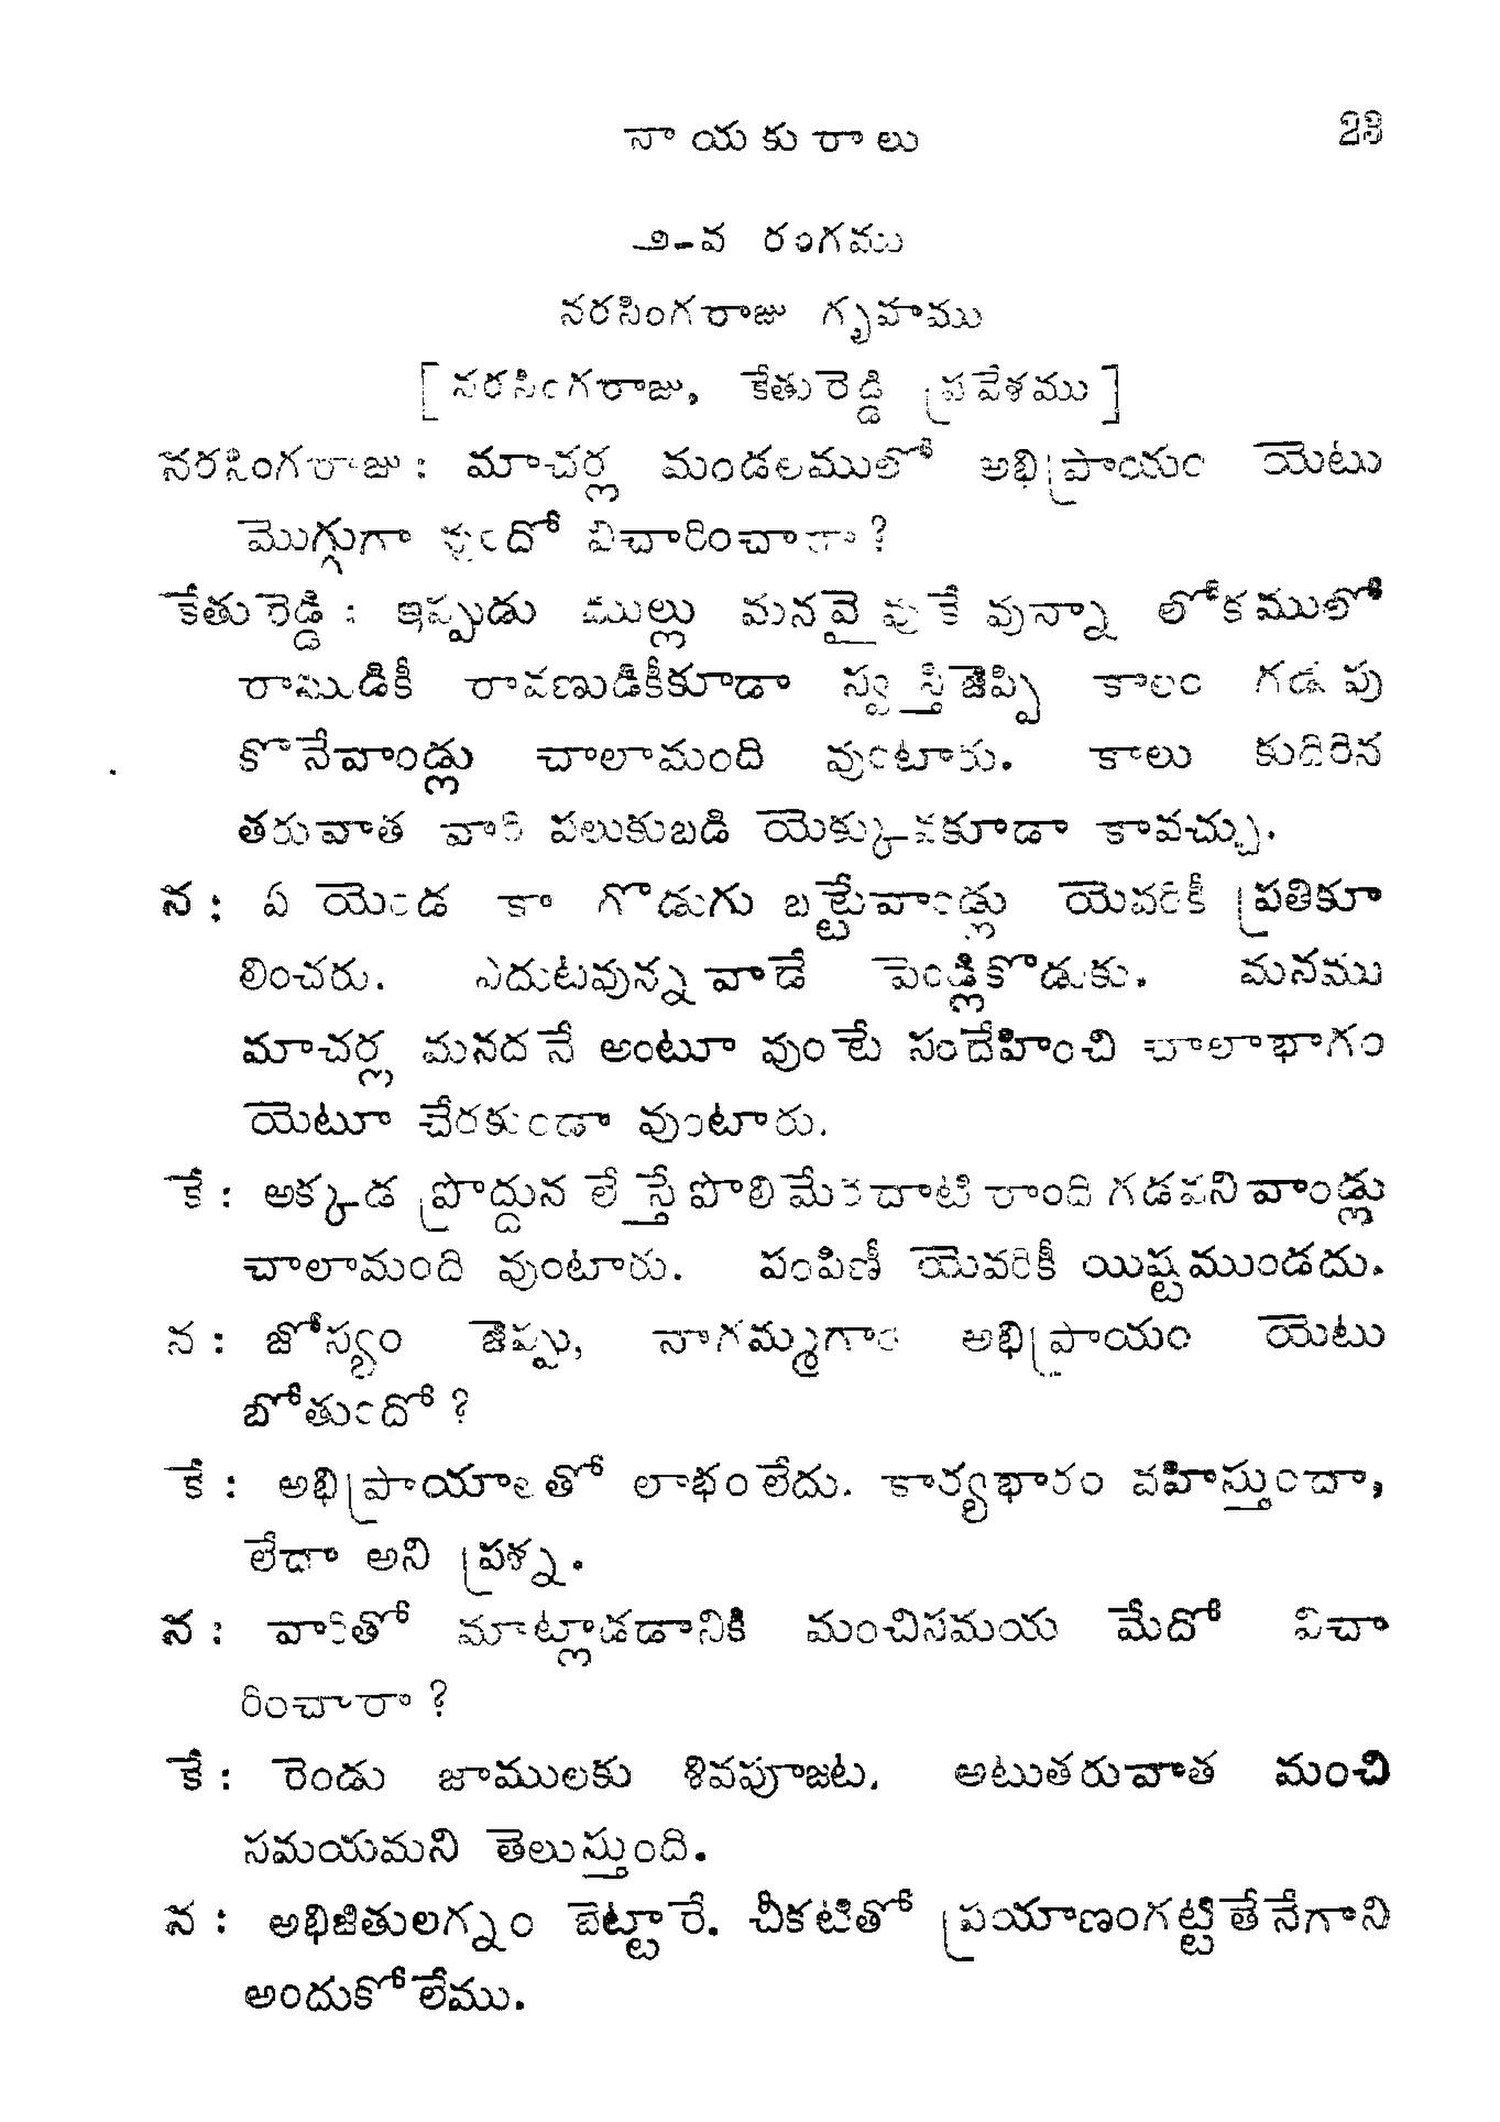నరసింగరాజు : మాచర్ల మండలములో అభిప్రాయం యెటు మొగ్గుగా వుందో విచారించారా ?

కేతురెడ్డి : ఇప్పుడు ముల్లు మనవైపుకే వున్నా లోకములో రాముడికీ రావణుడికీకూడా స్వస్తిజెప్పి కాలం గడుపు కొనేవాండ్లు చాలామంది వుంటారు. కాలం కుదిరిన తరువాత వారి పలుకుబడి యెక్కువకూడా కావచ్చు.

న : ఏ యెండ కా గొడుగు బట్టేవాండ్లు యెవరికీ ప్రతికూలించరు. ఎదుటవున్న వాడే పెండ్లికొడుకు. మనము మాచర్ల మనదనే అంటూ వుంటే సందేహించి చాలాభాగం యెటూ చేరకుండా వుంటారు.

కే : అక్కడ ప్రొద్దున లేస్తే పొలిమేరదాటి రాంది గడవనివాండ్లు చాలామంది వుంటారు. పంపిణీ యెవరికీ యిష్టముండదు.

న: జోస్యం చెప్పు, నాగమ్మగారి అభిప్రాయం యెటు బోతుందో?

కే: అభిప్రాయాలతో లాభంలేదు. కార్యభారం వహిస్తుందా, లేదా అని ప్రశ్న.

న: వారితో మాట్లాడడానికి మంచిసమయ మేదో విచారించారా?

కే: రెండు జాములకు శివపూజట, అటుతరువాత మంచి సమయమని తెలుస్తుంది.

న : అభిజితులగ్నం బెట్టారే. చీకటితో ప్రయాణంగట్టితేనేగాని అందుకోలేము.